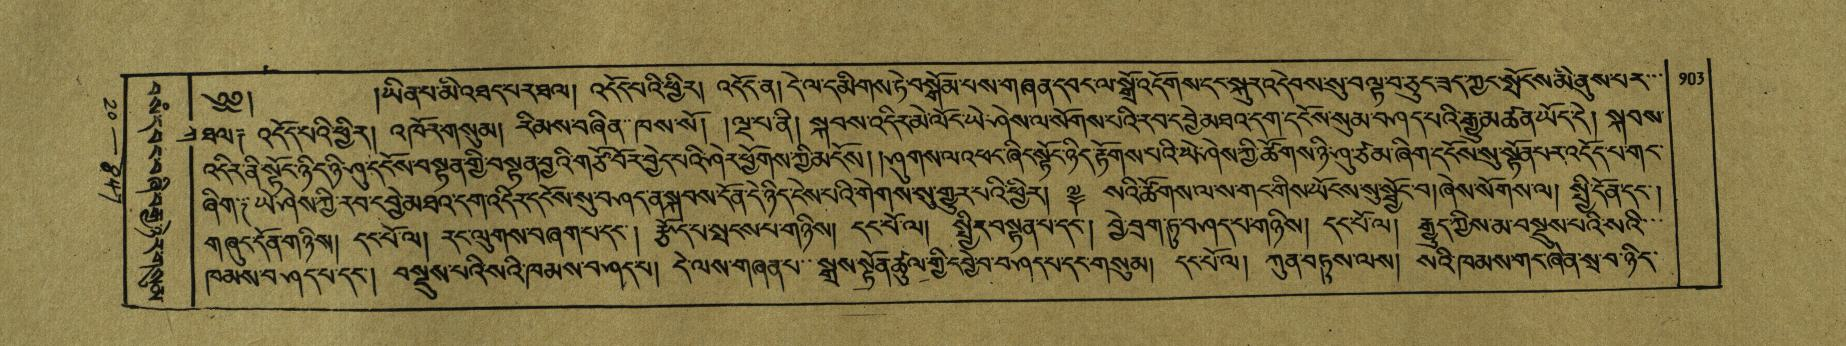༄༅། །ཡིན་པ་མི་འཐད་པར་ཐལ། འདོད་པའི་ཕྱིར། འདོད་ན། དེ་ལ་དམིགས་ཏེ་བསྒོམ་པས་གཞན་དབང་ལ་སྒྲོ་འདོགས་དང་སྐུར་འདེབས་སུ་བལྟ་བ་ཅུང་ཟད་ཀྱང་སྤོངས་མི་ནུས་པར་
ཐལ༑ འདོད་པའི་ཕྱིར། འཁོར་གསུམ། རིམས་བཞིན་ཁས་སོ། །ལྔ་པ་ནི། སྐབས་འདིར་མེ་ལོང་ཡེ་ཤེས་ལ་སོགས་པའི་རབ་དབྱེ་མཐའ་དག་དངོས་སུམ་བཤད་པའི་རྒྱུ་མཚན་ཡོད་དེ། སྐབས་
འདིར་ནི་སྟོང་ཉིད་ཉི་ཤུ་དངོས་བསྟན་གྱི་བསྟན་བྱའི་གཙོ་བོར་བྱེད་པའི་ཤེར་ཕྱོགས་ཀྱི་མདོས། །ཤུགས་ལ་འཕང་ཞིང་སྟོང་ཉིད་རྟོགས་པའི་ཡེ་ཤེས་ཀྱི་ཚོགས་ཉི་ཤུ་ཙམ་ཞིག་དངོས་སུ་སྟོན་པར་འདོད་པ་གང་
ཞིག༑ ཡེ་ཤེས་ཀྱི་རབ་དབྱེ་མཐའ་དག་འདིར་དངོས་སུ་བཤད་ན་སྐབས་དོན་དེ་ཉིད་ངེས་པའི་གེགས་སུ་གྱུར་པའི་ཕྱིར། ༈ སའི་ཚོགས་ལ་ས་གང་གིས་ཡོངས་སུ་སྦྱོང་བ། ཞེས་སོགས་ལ། སྤྱི་དོན་དང་།
གཞུང་དོན་གཉིས། དང་པོ་ལ། རང་ལུགས་བཞག་པ་དང་། རྩོད་པ་སྤངས་པ་གཉིས། དང་པོ་ལ། སྤྱིར་བསྟན་པ་དང་། བྱེ་བྲག་ཏུ་བཤད་པ་གཉིས། དང་པོ་ལ། རྒྱུད་ཀྱིས་མ་བསྡུས་པའི་སའི་
ཁམས་བཤད་པ་དང་། བསྡུས་པའི་སའི་ཁམས་བཤད་པ། དེ་ལས་གཞན་པ་སྒྲས་སྟོན་ཚུལ་གྱི་དབྱེ་བ་བཤད་པ་དང་གསུམ། དང་པོ་ལ། ཀུན་བཏུས་ལས། སའི་ཁམས་གང་ཞེ་ན་སྲ་བ་ཉིད་